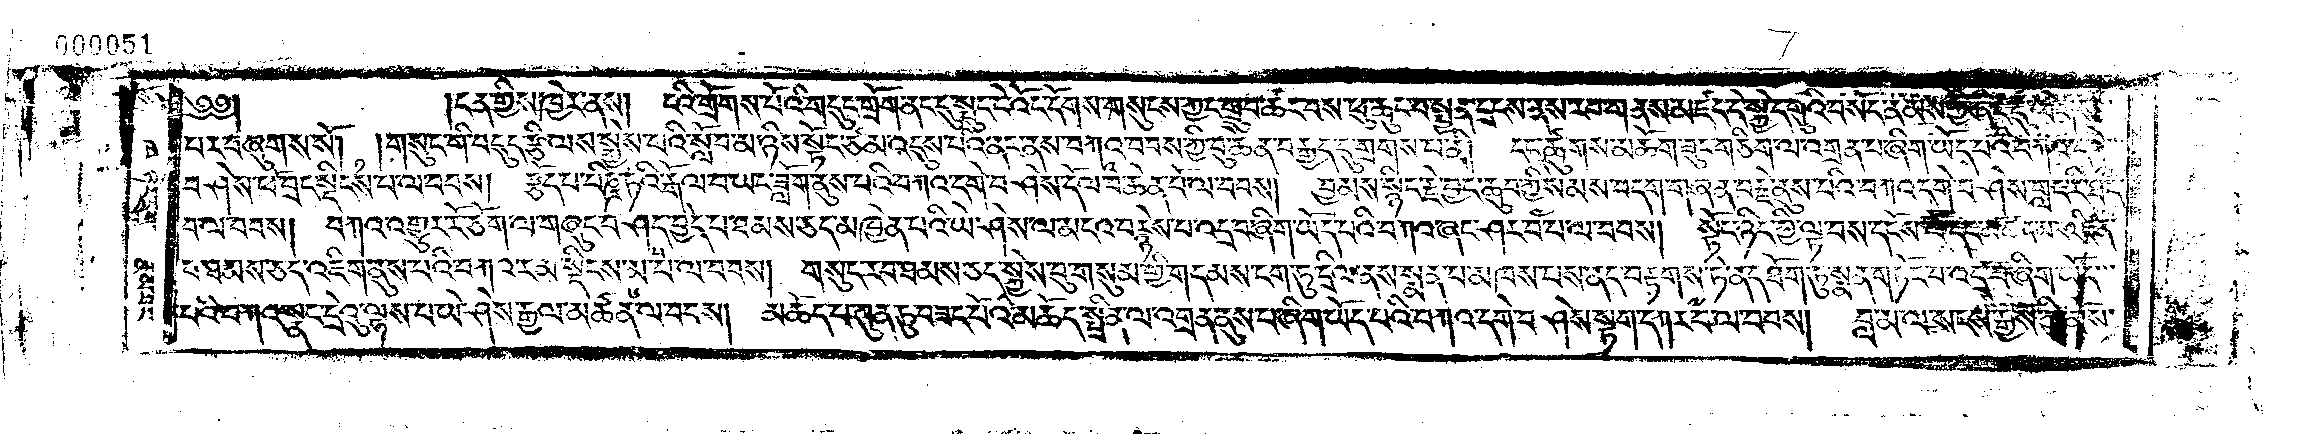༄༅། །ངན་གྱིས་ཁྱེར་ནས། ངའི་གྲོགས་པོའི་གདུང་གྲོག་ནང་དུ་སྤུང་ངེ་འོང་དོགས་གསུངས་ཀྱང་གྲུབ་ཚར་བས་ཕུ་ཆུང་བ་སྤྱན་དྲངས་ནས་རབ་གནས་མཛད་དེ་སྐྱེ་དགུའི་བསོད་ནམས་ཀྱི་ཞིང་དུ་ལེགས་
པར་བཞུགས་སོ། །གསུང་གི་བདུད་རྩི་ལས་སྐྱེས་པའི་སློབ་མ་ཉིས་སྟོང་ཙམ་འདུས་པའི་ནང་ནས་བཀའ་བབས་ཀྱི་བུ་ཆེན་བརྒྱད་དུ་གྲགས་པ་ནི། དང་ཚུགས་མཆོག་ཟུང་གཅིག་ལ་འགྲན་པ་ཞིག་ཡོད་པའི་བཀའ་དགེ་
བཤེས་ཕོ་བྲང་སྡིངས་པ་ལ་བབས། རྩོད་པ་པཎྜི་ཏའི་རྒོལ་བ་ཡང་ཟློག་ནུས་པའི་བཀའ་དགེ་བཤེས་དོལ་བ་ཆེན་པོ་ལ་བབས། བྱམས་སྙིང་རྗེ་བྱང་ཆུབ་ཀྱི་སེམས་བདག་གཞན་བརྗེ་ནུས་པའི་བཀའ་དགེ་བཤེས་གླང་རི་ཐང་
བ་ལ་བབས། བཀའ་འགྱུར་རོ་ཅོག་ལ་གཞུང་བཤད་བྱེད་པ་ཐམས་ཅད་མཁྱེན་པའི་ཡེ་ཤེས་ལ་མངའ་བརྙེས་པ་འདྲ་བ་ཞིག་ཡོད་པའི་བཀའ་ཞང་ཤར་བ་པ་ལ་བབས། སྟོང་ཉིད་ཀྱི་ལྟ་བས་དངོས་པོ་དང་མཚན་མར་འཛིན་
པ་ཐམས་ཅད་འཇིག་ནུས་པའི་བཀའ་རམ་སྡིངས་མ་པ་ལ་བབས། གསུང་རབ་ཐམས་ཅད་སྐྱེས་བུ་གསུམ་གྱི་གདམས་ངག་ཏུ་དྲིལ་ནས་སྨན་པ་མཁས་པས་ནད་བརྟགས་ཏེ་ནད་ཐོག་ཏུ་སྨད་གཏོང་པ་འདྲ་བ་ཞིག་ཡོད་
པའི་བཀའ་སྣང་དྲེའུ་ལྷས་པ་ཡེ་ཤེས་རྒྱལ་མཚན་ལ་བདས། མཆོད་པ་ཀུན་ཏུ་བཟང་པོའི་མཆོད་སྤྲིན་ལ་འགྲན་ནུས་པ་ཞིག་ཡོད་པའི་བཀའ་དགེ་བཤེས་སྟག་དཀར་བ་ལ་བབས། བལ་མ་ལ་སངས་རྒྱས་ཀྱི་མོས་